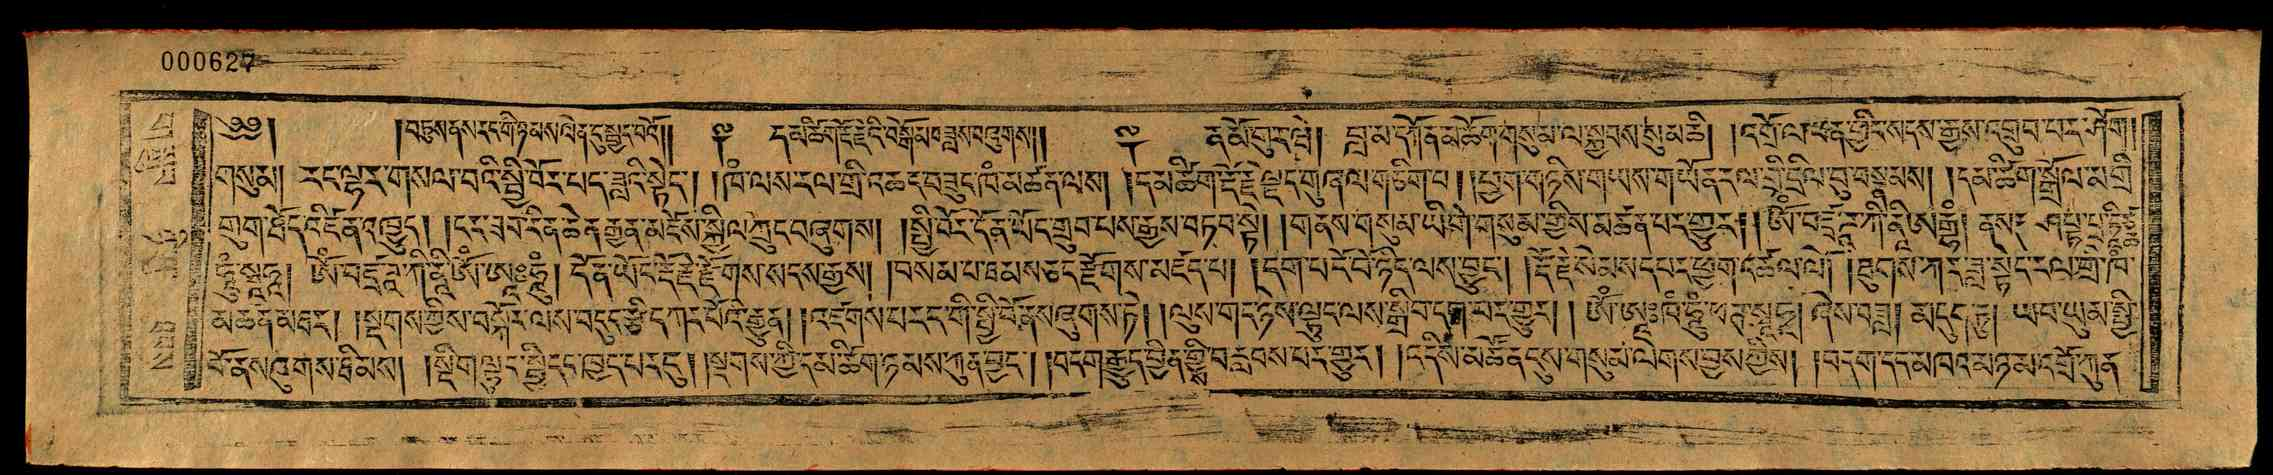༈ དམ་ཚིག་རྡོ་རྗེའི་བསྒོམ་བཟླས་བཞུགས།།  ༈ ན་མོ་གུ་ར་ཝེ། བླ་མ་དཀོན་མཆོག་གསུམ་ལ་སྐྱབས་སུ་མཆིག། །འགྲོ་ལ་ཕན་ཕྱིར་སངས་རྒྱས་འགྲུབ་པར་ཤོག་
གསུམ། རང་ལྷར་གསལ་བའི་སྤྱི་བོར་པད་ཟླའི་སྟེང་། །ཁཾ་ལས་རལ་གྲི་འཆད་བཟུང་ཁཾ་མཚན་ལས། །དམ་ཚིག་རྡོ་རྗེ་ལྗང་གུ་ཞལ་གཅིག་པ། །ཕྱག་གཉིས་གཡས་གཡོན་རལ་གྲི་དྲིལ་བུ་བསྣམས། །དམ་ཚིག་སྒྲོལ་མ་གྲི་
གུག་ཐོད་འཛིན་འཁྱུད། །དར་ཟབ་རིན་ཆེན་རྒྱན་མཛེས་སྐྱིལ་ཀྲུང་བཞུགས། །སྤྱི་བོར་དོན་ཡོད་གྲུབ་པས་རྒྱས་བཏབ་སྟེ། །གནས་གསུམ་ཡི་གེ་གསུམ་གྱིས་མཚན་པར་གྱུར། །ཨོཾ་བཛྲ་ཌཱ་ཀི་ནི་ཨརྒྷཾ། ནས༑ ཤཔྟ་པྲ་ཏཱི་ཙྪ་
ཧཱུཾ་སཱ་ཧཱ། ཨོཾ་བཛྲ་ཌཱ་ཀི་ནཱི་ཨོཾ་ཨཱཿ ཧཱུཾ། དོན་ཡོད་རྡོ་རྗེ་རྫོགས་སངས་རྒྱས། །བསམ་པ་ཐམས་ཅད་རྫོགས་མཛད་པ། །དག་པ་ངོ་བོ་ཉིད་ལས་བྱུང་། །རྡོ་རྗེ་སེམས་དཔར་ཕྱག་འཚལ་ལོ། །ཐུགས་ཀར་ཟླ་སྟེང་རལ་གྲི་ཁཾ་
མཚན་མཐར། །སྔགས་ཀྱིས་བསྐོར་ལས་བདུད་རྩི་དཀར་པོའི་རྒྱུད། །འཇིགས་པ་རང་གི་སྤྱི་བོ་ནས་ཞུགས་ཏེ། །ལུས་གང་ཉེས་ལྟུང་ལས་སྒྲིབ་དག་པར་གྱུར། །ཨོཾ་ཨཿ ཁཾ་ཧཱུཾ་ཕཊ་སཱ་ཧཱ། ཞེས་བཟླ། མཇུག་ཏུ། ཡབ་ཡུམ་སྤྱི་
བོ་ནས་ཞུགས་ཐིམས། །སྡིག་ལྟུང་སྤྱི་དང་ཁྱད་པར་དུ། །སྔགས་ཀྱི་དམ་ཚིག་ཉམས་ཀུན་བྱང་། །བདག་རྒྱུད་བྱིན་གྱིས་བརླབས་པར་གྱུར། །འདིས་མཚོན་དུས་གསུམ་ལེགས་བྱས་ཀྱིས། །བདག་དང་མཁར་མཉམ་འགྲོ་ཀུན་